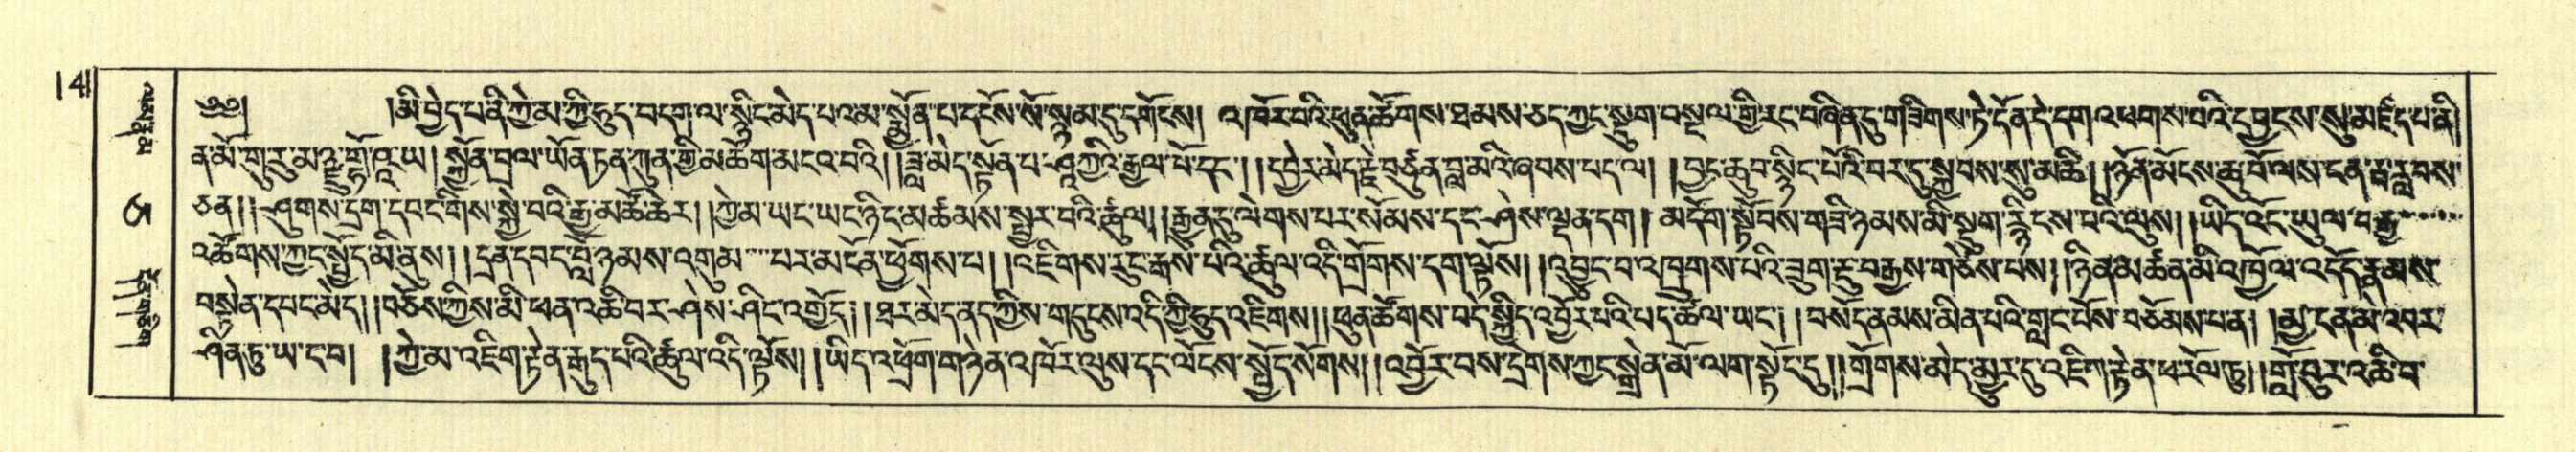༄༅། །མི་བྱེད་པ་ནི་ཀྱེ་མ་ཀྱི་ཧུད་བདག་ལ་སྙིང་མེད་པའམ། སྨྱོན་པ་དངོས་སོ་སྙམ་དུ་དགོངས། འཁོར་བའི་ཕུན་ཚོགས་ཐམས་ཅད་ཀྱང་སྡུག་བསྔལ་གྱི་རང་བཞིན་དུ་གཟིགས་ཏེ་དོན་དེ་དག་འཕགས་པའི་དབྱངས་སུ་མཛད་པ་ནི།
ན་མོ་གུ་རུ་མཉྫུ་གྷོ་ཥཱ་ཡ། སྐྱོན་བྲལ་ཡོན་ཏན་ཀུན་གྱི་མཆོག་མངའ་བའི། །ཟླ་མེད་སྟོན་པ་ཤཱཀྱའི་རྒྱལ་པོ་དང་། །དབྱེར་མེད་རྗེ་བཙུན་བླ་མའི་ཞབས་པད་ལ། །བྱང་ཆུབ་སྙིང་པོའི་བར་དུ་སྐྱབས་སུ་འཆི། །ཉོན་མོངས་ཆུ་བོ་ལས་ངན་རབ་རླབས་
ཅན། །ཤུགས་དྲག་དབང་གིས་སྐྱེ་བའི་རྒྱ་མཚོ་ཆེར། །ཀྱེ་མ་ཡང་ཡང་ཉིང་མཚམས་སྦྱར་བའི་ཚུལ། །རྒྱུན་དུ་ལེགས་པར་སོགས་དང་ཤེས་ལྡན་དག། མདོག་སྟོབས་གཟི་ཉམས་མི་སྡུག་རྙིངས་པའི་ལུས། །ཡིད་འོང་ཡུལ་བརྒྱ་
འཚོགས་ཀྱང་སྤྱོད་མི་ནུས། །དྲན་དབང་བློ་ཉམས་འགུམ་པར་མངོན་ཕྱོགས་པ། །འཇིགས་རུང་རྒས་པའི་ཚུལ་འདི་གྲོགས་དག་ལྟོས། །འབྱུང་བ་འཁྲུགས་པའི་ཟུག་རྡུ་བརྒྱས་གཙེས་པས། །ཉིན་མཚན་མི་འཁྱོལ་འདོད་རྣམས་
བསྟེན་དབང་མེད། །བཅོས་ཀྱིས་མི་ཕན་འཆི་བར་ཤེས་ཤིང་འགྱོད། །ཐར་མེད་ནད་ཀྱིས་གདུངས་འདི་ཀྱི་ཧུད་འཇིགས། །ཕུན་ཚོགས་བདེ་སྐྱིད་འབྱོར་པའི་པད་ཚལ་ཡང་། །བསོད་ནམས་མིན་པའི་གླང་པོས་བཅོམས་པ་ན། །མྱ་ངན་མེ་འབར་
ཤིན་ཏུ་ཡ་ང་བ། །ཀྱེ་བ་འཇིག་རྟེན་རྒུད་པའི་ཚུལ་འདི་ལྟོས། །ཡིད་འཕྲོག་གཉེན་འཁོར་ལུས་དང་ལོངས་སྤྱོད་སོགས། །འབྱོར་བས་དྲེགས་ཀྱང་སྒྲེན་མོ་ལག་སྟོང་དུ། །གྲོགས་མེད་མྱུར་དུ་འཇིག་རྟེན་ཕ་རོལ་ཏུ། །གློ་བུར་འཆི་བ་